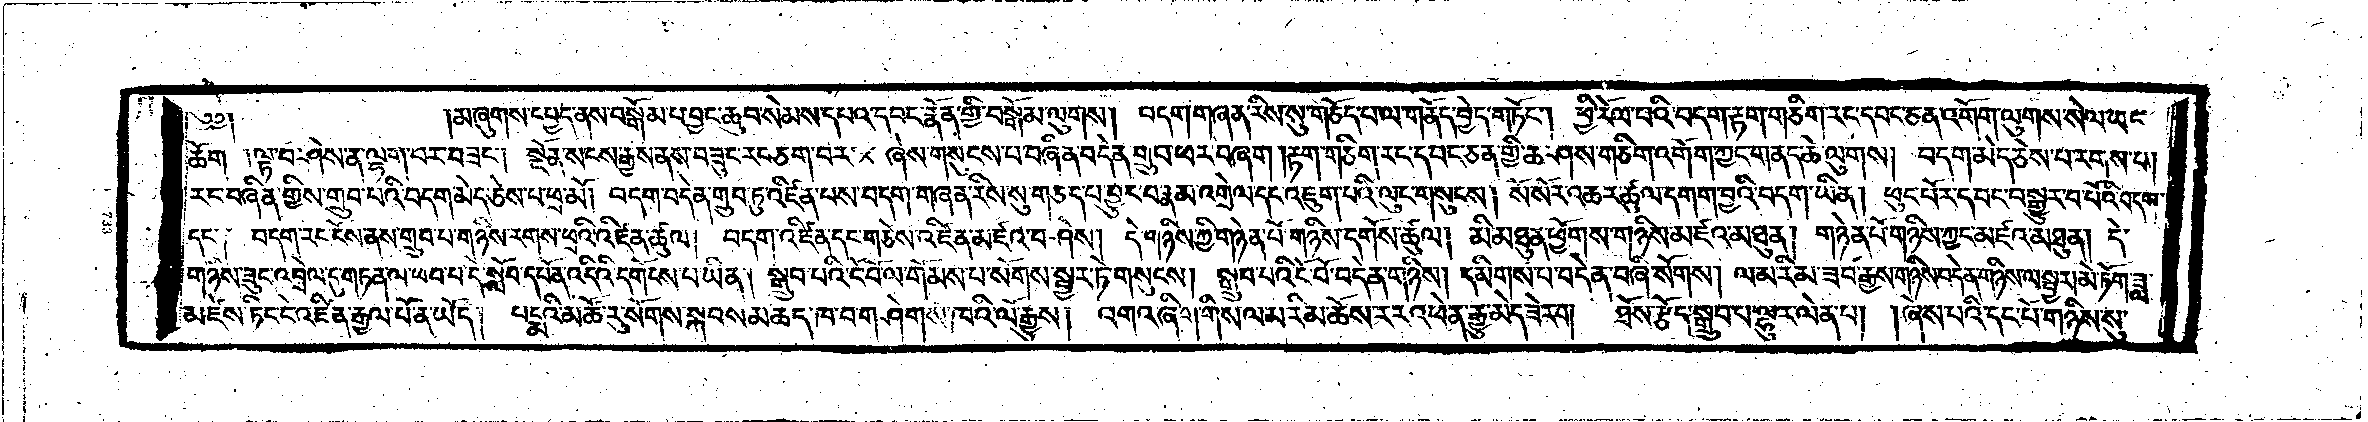༄༅། །མ་ཞུགས་དཔྱད་ནས་བསྒོམ་པ་བྱང་ཆུབ་སེམས་དཔའ་དབང་རྣོན་གྱི་བསྒོམ་ལུགས། བདག་གཞན་རིས་སུ་གཅོད་པ་ལ་གནོད་བྱེད་གཏོང་། ཕྱི་རོལ་པའི་བདག་རྟག་གཅིག་རང་དབང་ཅན་འགོག་ལུགས་སེལ་ཡང་
ཆོག །ལྟ་བ་ཤེས་ན་ལྷག་བར་བཟང་། སྔོན་སངས་རྒྱས་ནས་བཟུང་རབ་ཅག་བར་྾་ཞེས་གསུངས་པ་བཞིན་བདེན་གྲུབ་ཕར་བཞག །རྟག་གཅིག་རང་དབང་ཅན་གྱི་ཆ་ཤས་གཅིག་འགོག་ཀྱང་གནད་ཆེ་ལུགས། བདག་མེད་ཅེས་པ་རགས་པ།
རང་བཞིན་གྱིས་གྲུབ་པའི་བདག་མེད་ཅེས་པ་ཕྲ་མོ། བདག་བདེན་གྲུབ་ཏུ་འཛིན་པས་བདག་གཞན་རིས་སུ་གཅད་པ་བྱུང་བ་རྣམ་འགྲེལ་དང་འཇུག་པའི་ལུང་གསུངས། སོ་སོར་འཆར་ཚུལ་དགག་བྱའི་བདག་ཡིན། ཕུང་པོར་དབང་བསྒྱུར་བ་པོའི་བདག་
དང༑ བདག་རང་ངོས་ནས་གྲུབ་པ་གཉིས་རགས་ཕྲའི་འཛིན་ཚུལ། བདག་འཛིན་དང་གཅེས་འཛིན་མཛའ་བཤེས། དེ་གཉིས་ཀྱི་གཉེན་པོ་གཉིས་དགོས་ཚུལ། མི་མཐུན་ཕྱོགས་གཉིས་མཛའ་མཐུན། གཉེན་པོ་གཉིས་ཀྱང་མཛའ་མཐུན། དེ་
གཉིས་ཟུང་འབྲེལ་དུ་གཏན་ལ་ཕབ་པ་དེ་སློབ་དཔོན་འདིའི་དགོངས་པ་ཡིན། སྒྲུབ་པའི་ངོ་བོ་ལ་གོམས་པ་སོགས་སྦྱར་ཏེ་གསུངས། སྒྲུབ་པའི་ངོ་བོ་བདེན་གཉིས། དམིགས་པ་བདེན་བཞི་སོགས། ལམ་རིམ་ཟབ་རྒྱས་གཉིས་བདེན་གཉིས་ལ་སྦྱར། མེ་ཏོག་ཟླ་
མཛེས་ཏིང་ངེ་འཛིན་རྒྱལ་པོ་ན་ཡོད། པདམའི་མཚོ་རུ་སོགས་སྐབས་མཆད་ཁ་བ་གཤེགས་ཁའི་ལོ་རྒྱུས། འགའ་ཞིག་གིས་ལམ་རིམ་ཆོས་རར་འཕེན་རྒྱུ་མེད་ཟེར་བ། ཐོས་རྩོད་སྒྲུབ་པ་ལྷུར་ལེན་པ། །ཞེས་པའི་དང་པོ་གཉིས་སུ་